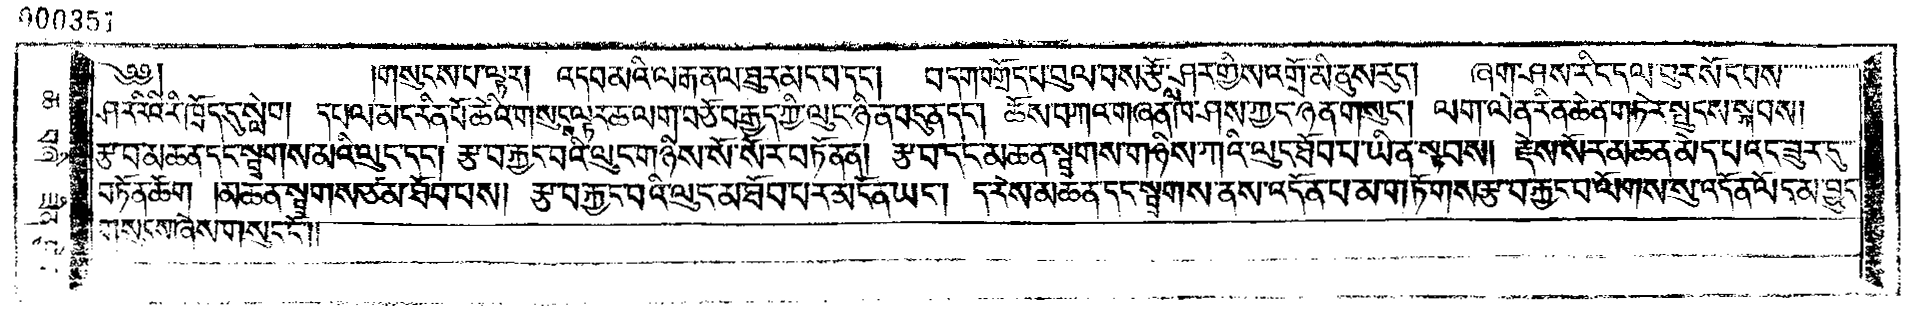༄༅། །གསུངས་པ་ལྟར། འདབ་མའི་ལ་རྒན་ལ་ཐུར་མང་བ་དང་། བདག་བགྲོད་པ་བུལ་བས་རྩོལ་ཤར་གྱིས་འགྲོ་མི་ནུས་རུང་། ཞག་ཤས་རིང་དལ་བུར་སོང་བས་
ཤར་རིའི་རི་ཁྲོད་དུ་སླེབ། དཔལ་མང་རིན་པོ་ཆེའི་གསུངས་ལྟར་ཆ་ལག་བཅོ་བརྒྱད་ཀྱི་ལུང་ཉིན་བདུན་དང་། ཆོས་བཀའ་གཞན་ལ་ཁ་ཤས་ཀྱང་ཉན་གསུང་། ལག་ལེན་རིན་ཆེན་གཏེར་སྤུངས་སྐབས།
རྩ་བ་མཆན་དང་སྦྲགས་མའི་ལུང་དང་། རྩ་བ་རྐྱང་བའི་ལུང་གཉིས་སོ་སོར་བཏོན་ན། རྩ་བ་དང་མཆན་སྦྲགས་གཉིས་ཀའི་ལུང་ཐོབ་པ་ཡིན་སྟབས། རྗེས་སོར་མཆན་མེད་པའང་ཟུར་དུ་
བཏོན་ཆོག །མཆན་སྦྲགས་ཙམ་ཐོབ་པས། རྩ་བ་རྐྱང་བའི་ལུང་མ་ཐོབ་པར་མངོན་ཡང་། ད་རེས་མཆན་དང་སྦྲགས་ནས་འདོན་པ་མ་གཏོགས་རྩ་བ་རྐྱང་བ་ལོགས་སུ་འདོན་ལོང་མ་བྱུང་
གསུངས་ཞེས་གསུང་ངོ།།